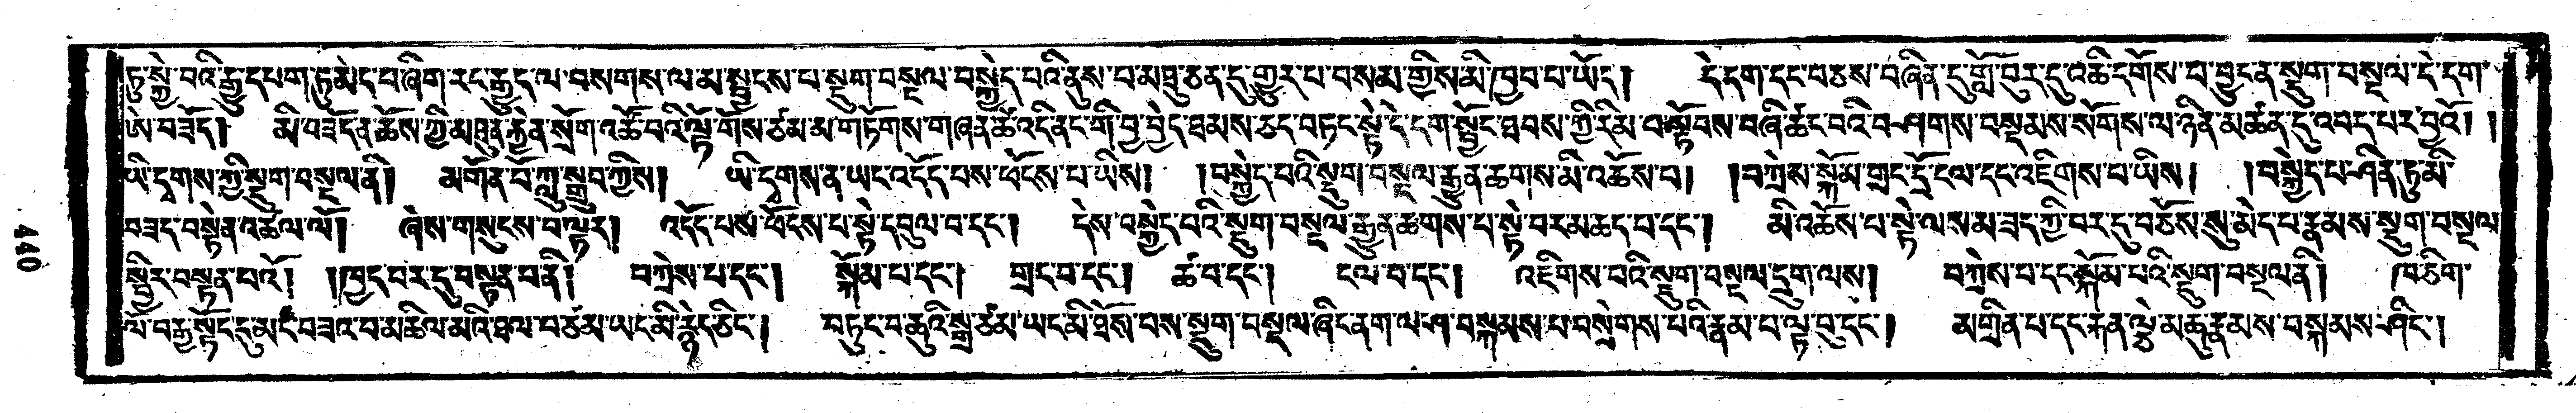ཏུ་སྐྱེ་བའི་རྒྱུ་དཔག་ཏུ་མེད་བ་ཞིག་རང་རྒྱུད་ལ་བསགས་ལ་མ་སྦྱངས་པ་སྡུག་བསྔལ་བསྐྱེད་པའི་ནུས་པ་མཐུ་ཅན་དུ་གྱུར་པ་བསམ་གྱིས་མི་ཁྱབ་པ་ཡོད། དེ་དག་དང་བཅས་བཞིན་དུ་གློ་བུར་དུ་འཆི་དགོས་བ་བྱུང་ན་སྡུག་བསྔལ་དེ་དག་
ཨེ་བཟོད། མི་བཟོད་ན་ཆོས་ཀྱི་མཐུན་རྐྱེན་སྲོག་འཚོ་བའི་ལྟོ་གོས་ཙམ་མ་གཏོགས་གཞན་ཚེ་འདི་ནང་གི་བྱ་བྱེད་ཐམས་ཅད་བཏང་སྟེ་དེ་དག་སྦྱོང་ཐབས་ཀྱི་རིམ་བ་སྟོབས་བཞི་ཚང་བའི་བཤགས་བསྡམས་སོགས་ལ་ཉིན་མཚན་དུ་འབད་པར་བྱའོ། །
ཡི་དྭགས་ཀྱི་སྡུག་བསྔལ་ནི། མགོན་པོ་ཀླུ་སྒྲུབ་ཀྱིས། ཡི་དྭགས་ན་ཡང་འདོད་པས་ཕོངས་པ་ཡིས། །བསྐྱེད་པའི་སྡུག་བསྔལ་རྒྱུན་ཆགས་མི་འཆོས་པ། །བཀྲེས་སྐོམ་གྲང་དྲོ་ངལ་དང་འཇིགས་པ་ཡིས། །བསྐྱེད་པ་ཤིན་ཏུ་མི་
བཟད་བསྟེན་འཚལ་ལོ། ཞེས་གསུངས་བལྟར། འདོད་པས་ཕོངས་པ་སྟེ་དབུལ་བ་དང་། དེས་བསྐྱེད་པའི་སྡུག་བསྔལ་རྒྱུན་ཆགས་པ་སྟེ་བར་མཆད་པ་དང་། མི་འཆོས་པ་སྟེ་ལས་མ་ཟད་ཀྱི་བར་དུ་བཅོས་སུ་མེད་པ་རྣམས་སྡུག་བསྔལ་
སྦྱིར་བསྟན་པའོ། །ཁྱད་པར་དུ་བསྟན་པ་ནི། བཀྲེས་པ་དང་། སྐོམ་པ་དང་། གྲང་བ་དང་། ཚ་བ་དང་། ངལ་བ་དང་། འཇིགས་བའི་སྡུག་བསྔལ་དྲུག་ལས། བཀྲེས་པ་དང་སྐོམ་པའི་སྡུག་བསྔལ་ནི། ཁ་ཅིག་
ལོ་བརྒྱ་སྟོང་དུ་མང་བཟའ་བ་མཆིལ་མའི་ཐལ་བཙམ་ཡང་མི་རྙེད་དྕིང་། བཏུང་བ་ཆུའི་སྒྲ་ཙམ་ཡང་མི་ཐོས་པས་སྡུག་བསྔལ་ཞིང་ནག་ལ་ཤ་བསྐམས་པ་བསྲེགས་པའི་རྣམ་བ་ལྟ་བུ་དང་། མགྲིན་པ་དང་རྐན་ལྕེ་མཆུ་རྣམས་བསྐམས་ཤིང་།